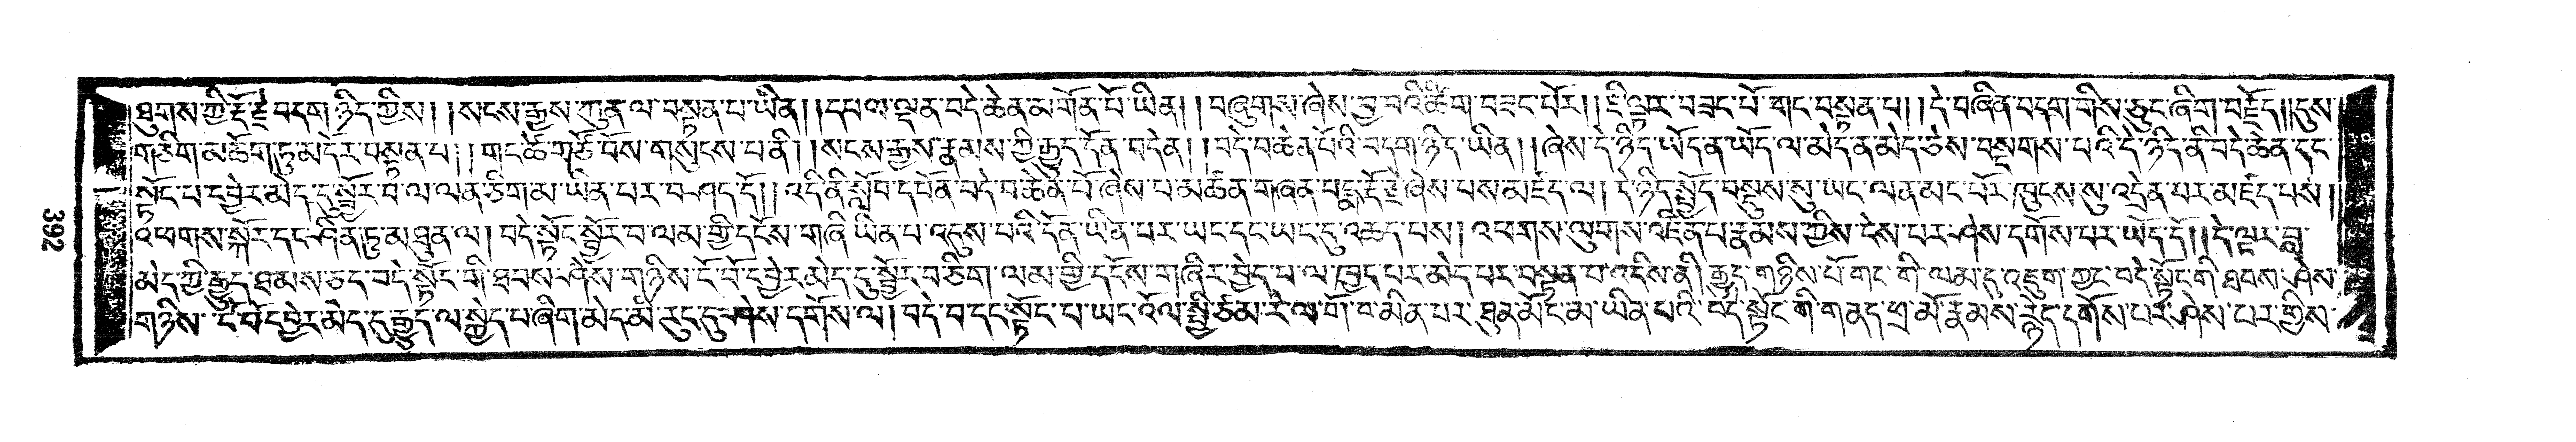ཐུགས་ཀྱི་རྡོ་རྗེ་བདག་ཉིད་ཀྱིས། །སངས་རྒྱས་ཀུན་ལ་བསྟན་པ་ཡིན། །དཔལ་ལྡན་བདེ་ཆེན་མགོན་པོ་ཡིན། །བཞུགས་ཞེས་བྱ་བའི་ཚིག་བཟང་པོར། །ཇི་ལྟར་བཟང་པོ་གང་བསྟན་པ། །དེ་བཞིན་བདག་གིས་ཅུང་ཞིག་བརྗོད། །དུས་
གཅིག་མཆོག་ཏུ་མདོར་བསྟན་པ། །གང་ཚེ་གཙོ་བོས་གསུངས་པ་ནི། །སངས་རྒྱས་རྣམས་ཀྱི་རྒྱུད་དོན་བདེན། །བདེ་བ་ཆེན་པོའི་བདག་ཉིད་ཡིན། །ཞེས་དེ་ཉིད་ཡོད་ན་ཡོད་ལ་མེད་ན་མེད་ཅེས་བསྔགས་པའི་དེ་ཉིད་ནི་བདེ་ཆེན་དང་
སྟོང་པ་དབྱེར་མེད་དུ་སྦྱོར་བ་ལ་ལན་ཅིག་མ་ཡིན་པར་བཤད་དོ། །འདི་ནི་སློབ་དཔོན་བདེ་བ་ཆེན་པོ་ཞེས་པ་མཚན་གཞན་པདམ་རྡོ་རྗེ་ཞེས་པས་མཛད་ལ། དེ་ཉིད་སྤྱོད་བསྡུས་སུ་ཡང་ལན་མང་པོར་ཁུངས་སུ་འདྲེན་པར་མཛད་པས།
འཕགས་སྐོར་དང་ཤིན་ཏུ་མཐུན་ལ། བདེ་སྟོང་སྦྱོར་བ་ལམ་གྱི་དངོས་གཞི་ཡིན་པ་འདུས་པའི་དོན་ཡིན་པར་ཡང་དང་ཡང་དུ་འཆད་པས། འཕགས་ལུགས་འཛིན་པ་རྣམས་ཀྱིས་ངེས་པར་ཤེས་དགོས་པར་ཡོད་དོ། །དེ་ལྟར་བླ་
མེད་ཀྱི་རྒྱུད་ཐམས་ཅད་བདེ་སྟོང་གི་ཐབས་ཤེས་གཉིས་ངོ་བོ་དབྱེར་མེད་དུ་སྦྱོར་བ་ཅིག་ལམ་གྱི་དངོས་གཞིར་བྱེད་པ་ལ་ཁྱད་པར་མེད་པར་བསྟན་པ་འདིས་ནི། རྒྱུད་གཉིས་པོ་གང་གི་ལམ་དུ་འཇུག་ཀྱང་བདེ་སྟོང་གི་ཐབས་ཤེས་
གཉིས་ངོ་བོ་དབྱེར་མེད་དུ་རྒྱུད་ལ་སྐྱེད་པ་ཞིག་མེད་མི་རུང་དུ་ཤེས་དགོས་ལ། བདེ་བ་དང་སྟོང་པ་ཡང་འོལ་སྤྱི་ཙམ་རེ་ལ་གོ་བ་མིན་པར་ཐུན་མོང་མ་ཡིན་པའི་བདེ་སྟོང་གི་གནད་ཕྲ་མོ་རྣམས་རྙེད་དགོས་པར་ཤེས་པར་གྱིས་